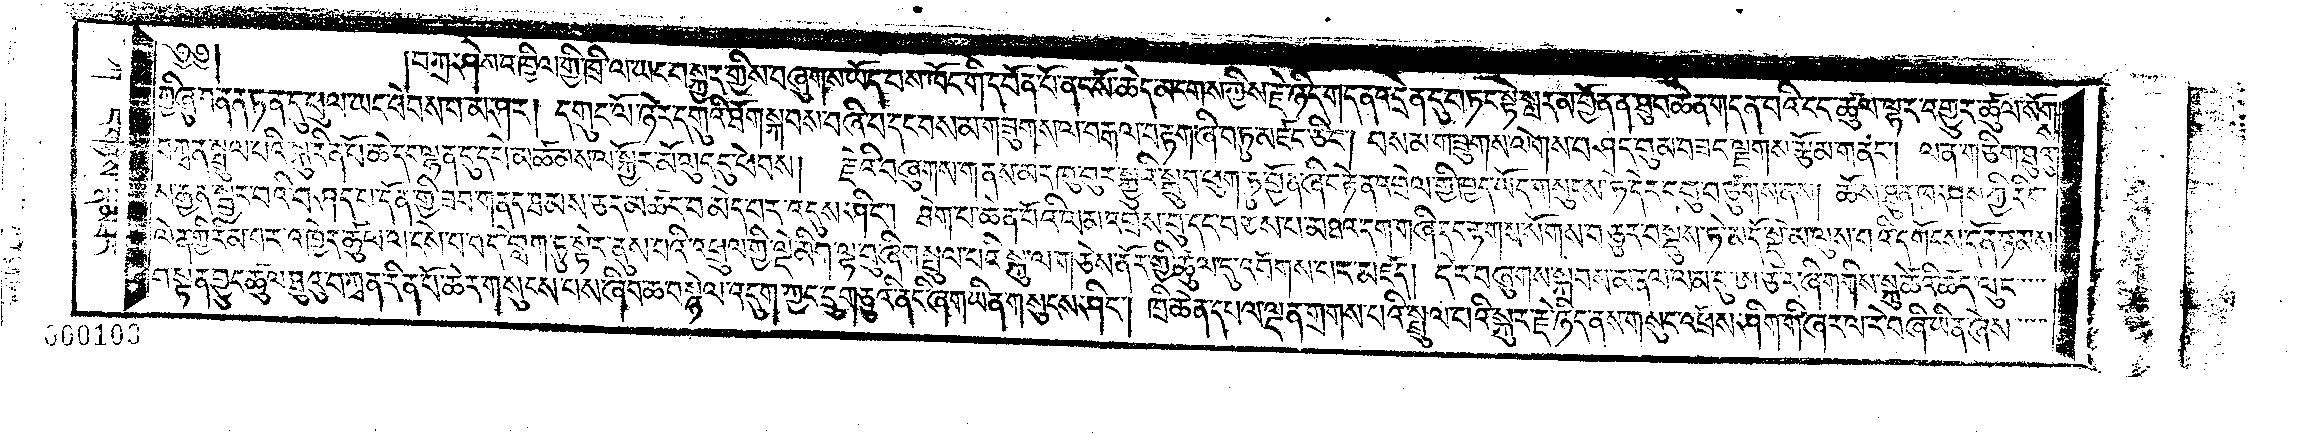༄༅། །བཀྲ་ཤིས་འཁྱིལ་གྱི་ཁྲི་ལ་ཡང་བསྐྱར་གྱིས་བཞུགས་ཡོད་པས་ཁོང་གི་དབོན་པོ་ནང་སོ་ཆེད་མངགས་ཀྱིས་རྗེ་ཉིད་གདན་འདྲེན་དུ་བཏང་སྟེ་སླར་མ་བྱོན་ན་ཐུབ་ཆེན་གདན་པའི་ངང་ཚུལ་ལྟར་འགྱུར་ཚུལ་སོགས་
ཀྱི་ཞུ་བ་ནན་ཏན་དུ་ཕུལ་ཡང་ཕེབས་པ་མ་ཤར། དགུང་ལོ་ཉེར་དགུའི་ཐོག་སྐབས་བཞི་པ་དང་བསམ་གཟུགས་ལ་བརྒལ་བརྟག་ཞིབ་ཏུ་མཛད་ཅིང་། བསམ་གཟུགས་ལེགས་བཤད་བུམ་བཟང་ལྗགས་རྩོམ་གནང་། ལན་གཅིག་ཐུའུ་
བཀྭན་སྤྲུལ་པའི་སྐུ་རིན་པོ་ཆེ་དང་ལྷན་དུ་དཔེ་མཚམས་ལ་སྐྱོར་མོ་ལུང་དུ་ཕེབས། རྗེའི་བཞུགས་གནས་མར་ཁུ་བུར་སྐྱུའི་སྒྲུབ་ཕུག་ཏུ་བྱོན་ཞིང་རྟེན་འབྲེལ་གྱི་ཁྱད་ཡོད་གསུངས་ཏེ་དེར་དབུ་བཙུགས་ནས། ཆོས་ཐུན་ཁ་ཤས་ཀྱི་རིང་
ས་རྒྱན་སྦྱར་བའི་བཤད་པ་དོན་གྱི་ཟབ་གནད་ཐམས་ཅད་མ་ཚང་བ་མེད་པར་འདུས་ཤིང་། ཐེག་པ་ཆེན་པོའི་ལམ་འབྲས་བུ་དང་བཅས་པ་མཐའ་དག་གཞི་དང་རྟགས་སོགས་བཅུར་བསྡུས་ཏེ་མདོ་སྡེ་མ་ལུས་པའི་དགོངས་དོན་ཉམས་
ལེན་གྱི་རིམ་པར་འཁྱེར་ཚུལ་ལ་ངེས་པ་བདེ་བླག་ཏུ་སྟེར་ནུས་པའི་འཕྲུལ་གྱི་ལྡེ་མིག་ལྟ་བུ་ཞིག་སྤྲུལ་པའི་སྐུ་ལ་གཅེས་ནོར་གྱི་ཚུལ་དུ་འབོགས་པར་མཛད། དེར་བཞུགས་སྐབས་མནལ་ལམ་དུ་ཨ་ཙ་ར་ཞིག་གིས་སྐུ་ཚེའི་ཚད་ལུང་
བསྟན་བྱུང་ཚུལ་ཐུའུ་བཀྭན་རིན་པོ་ཆེར་གསུངས་པས་ཞིབ་ཆ་བསྙེལ་འདུག་ཀྱང་དྲུག་ཅུའི་ནང་ཞིག་ཡིན་གསུངས་ཤིང་། ཁྲི་ཆེན་དཔལ་ལྡན་གྲགས་པའི་སྤྲུལ་པའི་སྐུར་རྗེ་ཉིད་ནས་གསུང་འཕྲོས་ཤིག་གི་ཞར་ལ་རེ་བཞི་ཡིན་ཞེས་